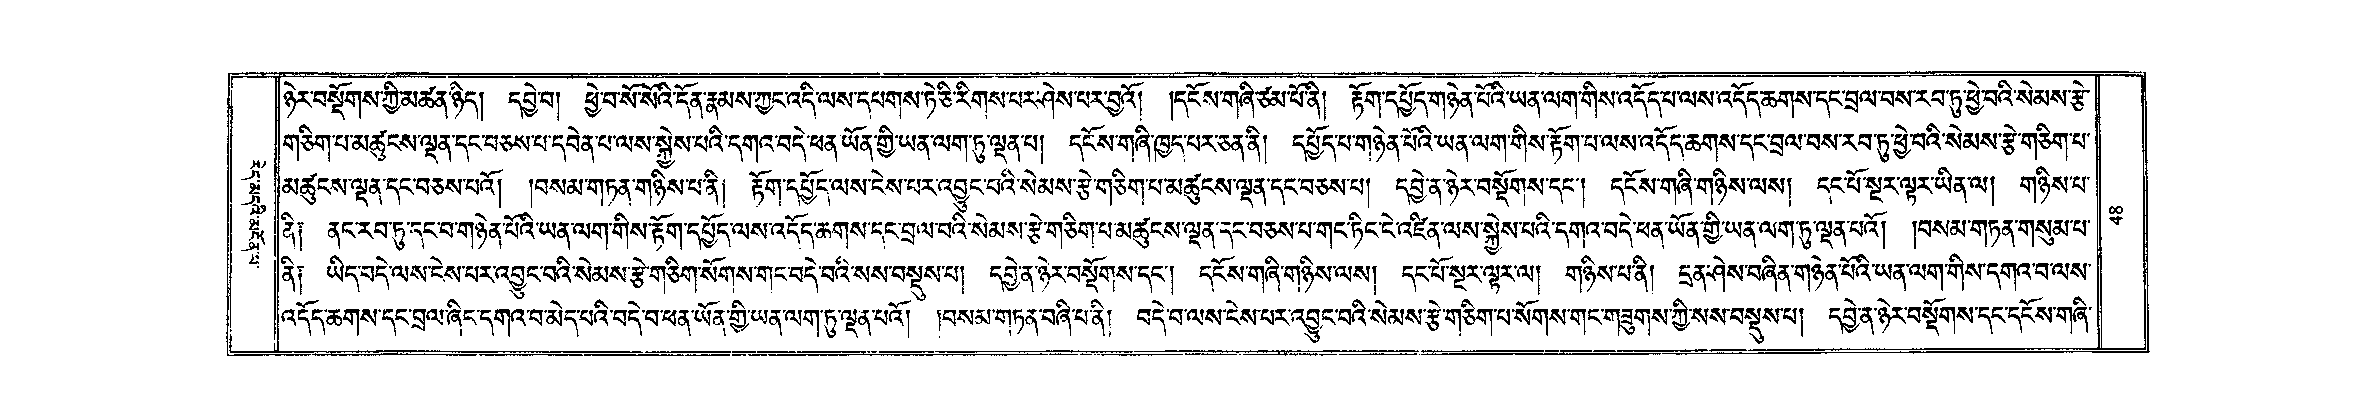ཉེར་བསྡོགས་ཀྱི་མཚན་ཉིད། དབྱེ་བ། ཕྱེ་བ་སོ་སོའི་དོན་རྣམས་ཀྱང་འདི་ལས་དཔགས་ཏེ་ཅི་རིགས་པར་ཤེས་པར་བྱའོ། །དངོས་གཞི་ཙམ་པོ་ནི། རྟོག་དཔྱོད་གཉེན་པོའི་ཡན་ལག་གིས་འདོད་པ་ལས་འདོད་ཆགས་དང་བྲལ་བས་རབ་ཏུ་ཕྱེ་བའི་སེམས་རྩེ་
གཅིག་པ་མཚུངས་ལྡན་དང་བཅས་པ་དབེན་པ་ལས་སྐྱེས་པའི་དགའ་བདེ་ཕན་ཡོན་གྱི་ཡན་ལག་ཏུ་ལྡན་པ། དངོས་གཞི་ཁྱད་པར་ཅན་ནི། དཔྱོད་པ་གཉེན་པོའི་ཡན་ལག་གིས་རྟོག་པ་ལས་འདོད་ཆགས་དང་བྲལ་བས་རབ་ཏུ་ཕྱེ་བའི་སེམས་རྩེ་གཅིག་པ་
མཚུངས་ལྡན་དང་བཅས་པའོ། །བསམ་གཏན་གཉིས་པ་ནི། རྟོག་དཔྱོད་ལས་ངེས་པར་འབྱུང་བའི་སེམས་རྩེ་གཅིག་པ་མཚུངས་ལྡན་དང་བཅས་པ། དབྱེ་ན་ཉེར་བསྡོགས་དང་། དངོས་གཞི་གཉིས་ལས། དང་པོ་སྔར་ལྟར་ཡིན་ལ། གཉིས་པ་
ནི༑ ནང་རབ་ཏུ་དང་བ་གཉེན་པོའི་ཡན་ལག་གིས་རྟོག་དཔྱོད་ལས་འདོད་ཆགས་དང་བྲལ་བའི་སེམས་རྩེ་གཅིག་པ་མཚུངས་ལྡན་དང་བཅས་པ་གང་ཏིང་ངེ་འཛིན་ལས་སྐྱེས་པའི་དགའ་བདེ་ཕན་ཡོན་གྱི་ཡན་ལག་ཏུ་ལྡན་པའོ། །བསམ་གཏན་གསུམ་པ་
ནི༑ ཡིད་བདེ་ལས་ངེས་པར་འབྱུང་བའི་སེམས་རྩེ་གཅིག་སོགས་གང་བདེ་བའི་སས་བསྡུས་པ། དབྱེ་ན་ཉེར་བསྡོགས་དང་། དངོས་གཞི་གཉིས་ལས། དང་པོ་སྔར་ལྟར་ལ། གཉིས་པ་ནི། དྲན་ཤེས་བཞིན་གཉེན་པོའི་ཡན་ལག་གིས་དགའ་བ་ལས་
འདོད་ཆགས་དང་བྲལ་ཞིང་དགའ་བ་མེད་པའི་བདེ་བ་ཕན་ཡོན་གྱི་ཡན་ལག་ཏུ་ལྡན་པའོ། །བསམ་གཏན་བཞི་པ་ནི། བདེ་བ་ལས་ངེས་པར་འབྱུང་བའི་སེམས་རྩེ་གཅིག་པ་སོགས་གང་གཟུགས་ཀྱི་སས་བསྡུས་པ། དབྱེ་ན་ཉེར་བསྡོགས་དང་དངོས་གཞི་